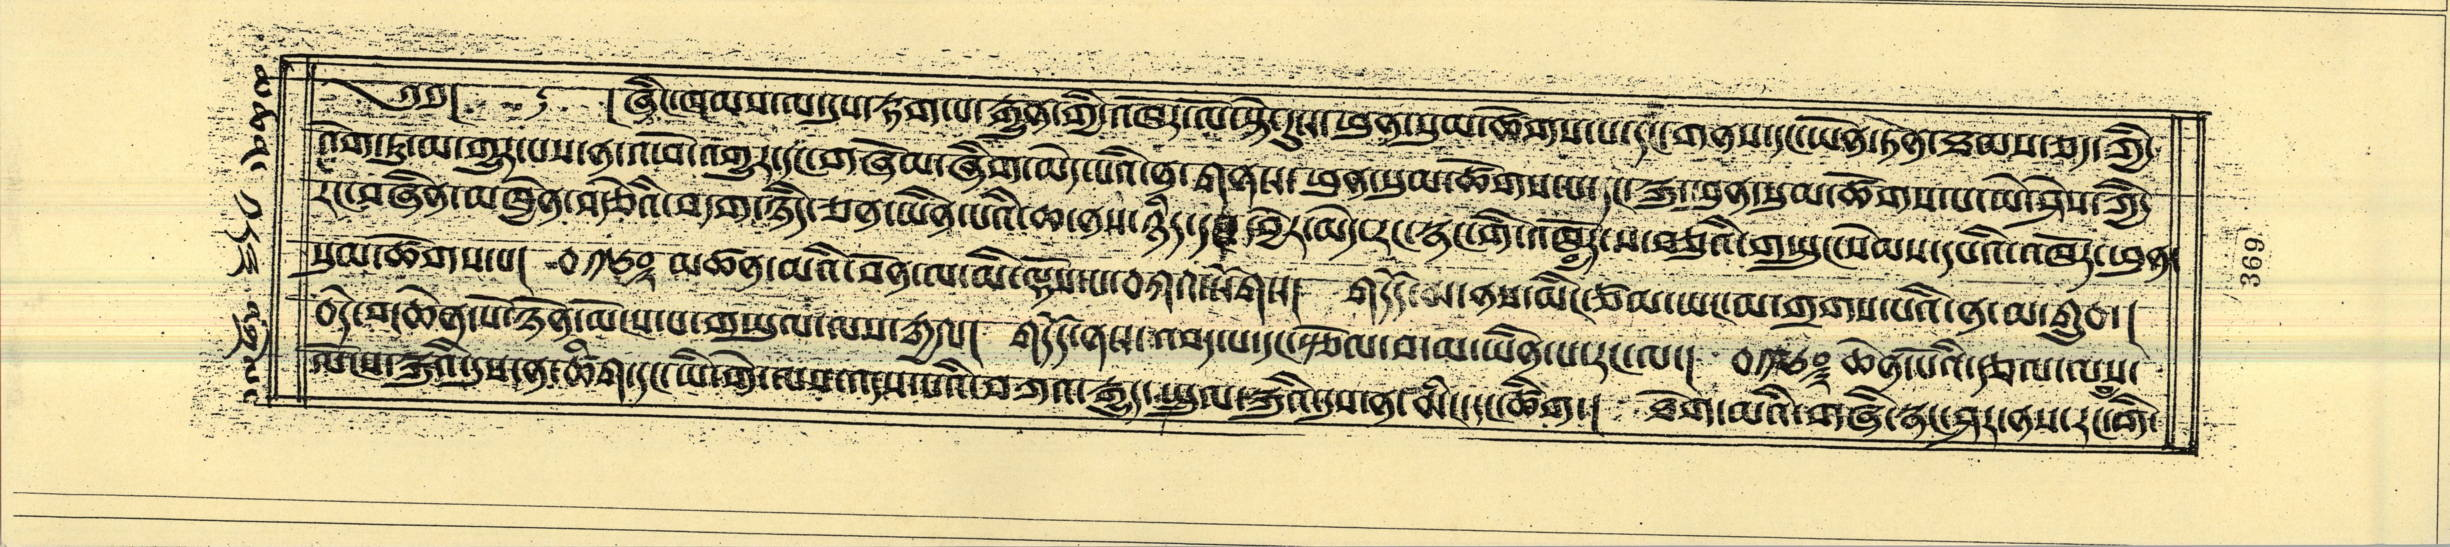ཞིང་ཁམས་ལ་དུས་རྟག་པ་རྒྱུན་གྱི་འཁོར་ལོ་སྟེ་དུས་ཕུན་སུམ་ཚོགས་པ་དང་གནས་དང་ཡོན་ཏན་ཐམས་ཅད་ཀྱི་
འོག་ཏུ་མ་གྱུར་པས་ན་འཕོ་འགྱུར་དང་གཞོམ་ཞིག་མེད་པའི་ན་ གནས་ཕུན་སུམ་ཚོགས་པ་དང་སྐུ་ཕུན་སུམ་ཚོགས་པ་ཡེ་ཤེས་ཀྱི་
རང་བཞིན་མཁྱེན་བརྩེའི་བདག་ཉིད་ཅན་ཡིན་པའི་ཆ་ནས་ཉིད་དང་དབྱེར་མེད་རང་སྣང་གི་འཁོར་ས་བཅུའི་གཡུང་དྲུང་སེམས་དཔའི་འཁོར་ཕུན་
སུམ་ཚོགས་པ། བ༡༦༠།༢ མཚན་མའི་བོན་ལ་མི་ལྟོས་པ་བཀའ་སོགས། གདོད་མ་ནས་མིང་ཙམ་ཡང་མ་གྲགས་པའི་ན་མ་གྲུབ།
བདེ་བ་ཆེན་པོ་ཉོན་མོངས་པ་གཡུལ་ལས་རྒྱལ། གདོད་ནས་འབད་པ་དང་སྩོལ་བ་མ་ཡིན་པ་རང་ལ། བ༡༦༠།༣ ཆེན་པོའི་རྩལ་ལས་
ལོངས་སྐུའི་དུས་ན་ཚིག་དང་ཡི་གེ་ལས་འདས་པའི་བཀའ་རྒྱུད་སྤྲུལ་སྐུའི་དུས་ན་མིང་དང་ཚིག། ཐོག་མའི་གཞི་སྣང་ཤར་ནས་རང་གི་